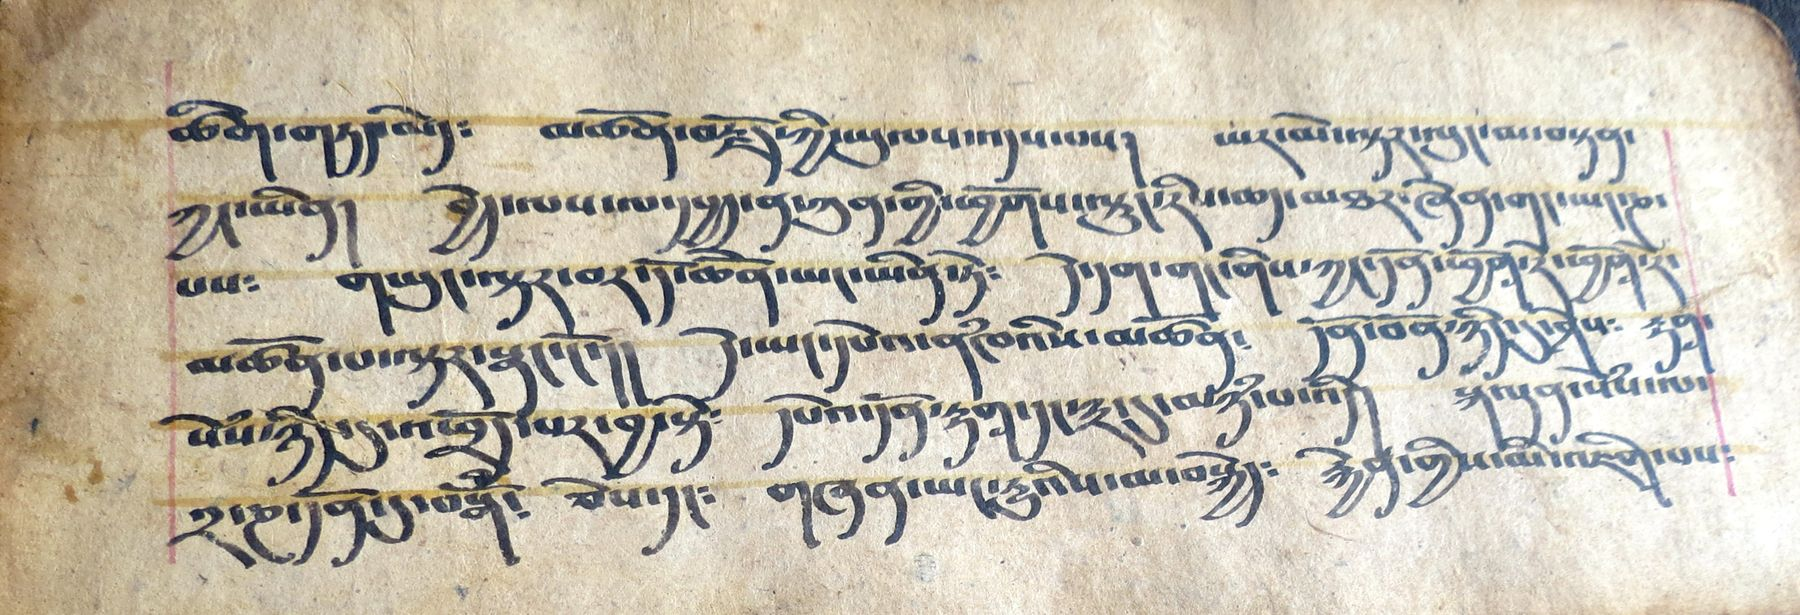མེད། མཚོན་བརྗོད་ཀྱི་ཡུལ་ལས་འདས་པས་ཡར་མེ་ལྟར་ལུང་མ་བསྟན་
ཀྱང་ཡིན། བྱེད་ལས་ལ་དཔྱད་ན་ཀུན་གྱི་ཕྱོགས་ལྷུང་རིས་ཆད་མཐར་ཞེན་གང་ཡང་མེད་
པས་ གཡུང་ལྟར་བར་དོ་ཆེན་མོ་ཡང་ཡིན་ཏེ། དེདག་གིས་ཀྱང་དོན་ཕྱོགས་རེ་ཕྱོགས་རེ་
མཚོན་པ་ལྟར་སྣང་ངོ་། དེ་ཡང་། དཔེ་ནམ་མཁའ་ཡིས་མཚོན། དོན་བོན་ཉིད་དུ་ཤེས། རྟགས་
སེམས་ཉིད་དུ་འཕྲོད་པར་བྱ་སྟེ། དཔེ་དོན་རྟགས་དང་གསུམ་དུ་མཉམ་པ་འདི། སྐལ་ལྡན་སེམས་ལ་
གཉིས་མེད་དོན་དུ་སྒོམ་ཞེས་དང་། གཞན་ཡང་རྒྱུ་ཡིས་མ་བསྐྱེད། རྐྱེན་གྱིས་མ་འཇིགས་པས་